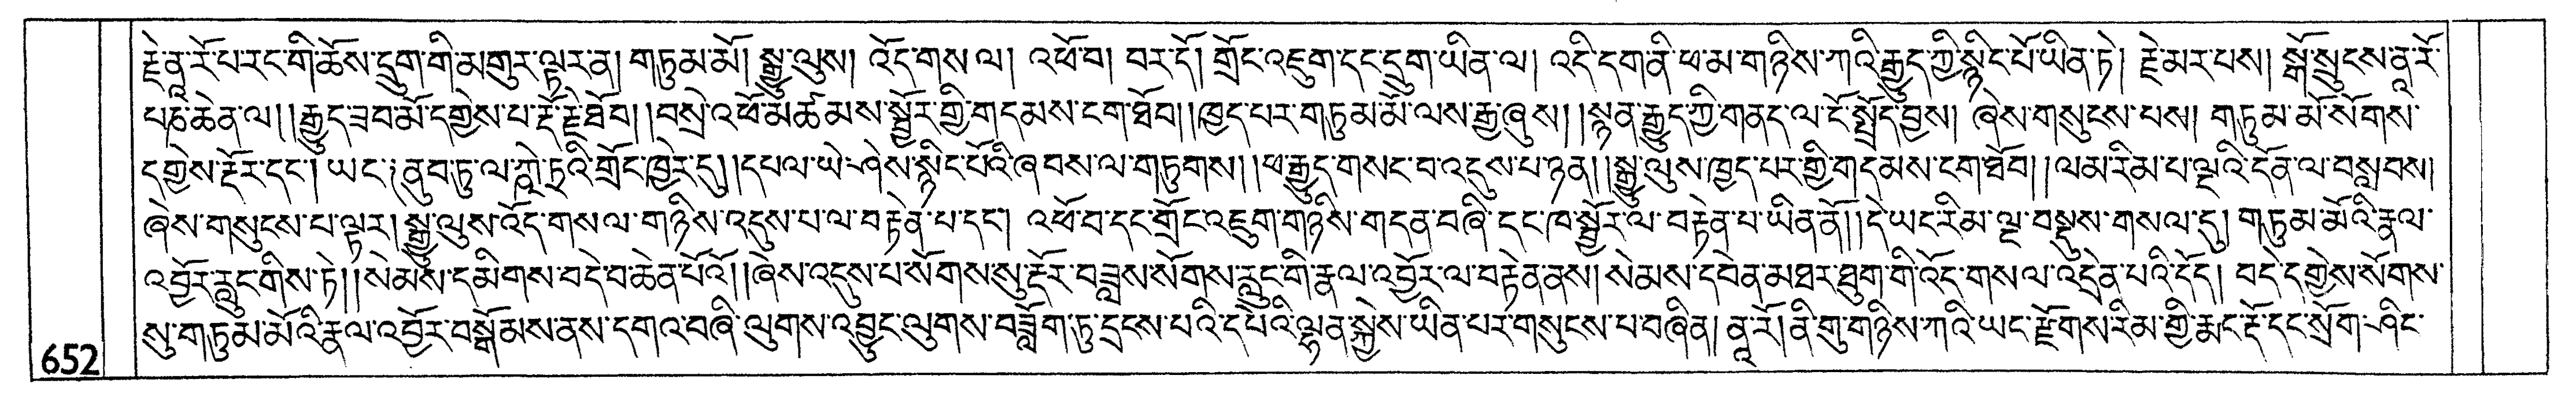རྗེ་ནཱ་རོ་པ་རང་གི་ཆོས་དྲུག་གི་མགུར་ལྟར་ན། གཏུམ་མོ། སྒྱུ་ལུས། འོད་གསལ། འཕོ་བ། བར་དོ། གྲོང་འཇུག་དང་དྲུག་ཡིན་ལ། འདི་དག་ནི་ཕ་མ་གཉིས་ཀའི་རྒྱུད་ཀྱི་སྙིང་པོ་ཡིན་ཏེ། རྗེ་མར་པས། སྒོ་སྲུངས་ནཱ་རོ་
པཎ་ཆེན་ལ། །རྒྱུད་ཟབ་མོ་དགྱེས་པ་རྡོ་རྗེ་ཐོབ། །བསྲེ་འཕོ་མཚམས་སྦྱོར་གྱི་གདམས་ངག་ཐོབ། །ཁྱད་པར་གཏུམ་མོ་ལས་རྒྱ་ཞུས། །སྙན་རྒྱུད་ཀྱི་གནད་ལ་ངོ་སྤྲོད་བྱས། ཞེས་གསུངས་པས། གཏུམ་མོ་སོགས་
དགྱེས་རྡོར་དང་། ཡང༑ ནུབ་ཏུ་ལ་ཀཥེ་ཏྲའི་གྲོང་ཁྱེར་དུ། །དཔལ་ཡེ་ཤེས་སྙིང་པོའི་ཞབས་ལ་གཏུགས། །ཕ་རྒྱུད་གསང་བ་འདུས་པ་ཉན། །སྒྱུ་ལུས་ཁྱད་པར་གྱི་གདམས་ངག་ཐོབ། །ལམ་རིམ་པ་ལྔའི་དོན་ལ་བསླབས།
ཞེས་གསུངས་པ་ལྟར། སྒྱུ་ལུས་འོད་གསལ་གཉིས་འདུས་པ་ལ་བརྟེན་པ་དང་། འཕོ་བ་དང་གྲོང་འཇུག་གཉིས་གདན་བཞི་དང་ཁ་སྦྱོར་ལ་བརྟེན་པ་ཡིན་ནོ། །དེ་ཡང་རིམ་ལྔ་བསྡུས་གསལ་དུ། གཏུམ་མོའི་རྣལ་
འབྱོར་རླུང་གིས་ཏེ། །སེམས་དམིགས་བདེ་བ་ཆེན་པོའི། །ཞེས་འདུས་པ་སོགས་སུ་རྡོར་བཟླས་སོགས་རླུང་གི་རྣལ་འབྱོར་ལ་བརྟེན་ནས། སེམས་དབེན་མཐར་ཐུག་གི་འོད་གསལ་འདྲེན་པའི་དོད། བདེ་དགྱེས་སོགས་
སུ་གཏུམ་མོའི་རྣལ་འབྱོར་བསྒོམས་ནས་དགའ་བཞི་ལུགས་འབྱུང་ལུགས་བཟློག་ཏུ་དྲངས་པའི་དཔེའི་ལྷན་སྐྱེས་ཡིན་པར་གསུངས་པ་བཞིན། ནཱ་རོ། ནི་གུ་གཉིས་ཀའི་ཡང་རྫོགས་རིམ་གྱི་རྨང་རྡོ་དང་སྲོག་ཤིང་